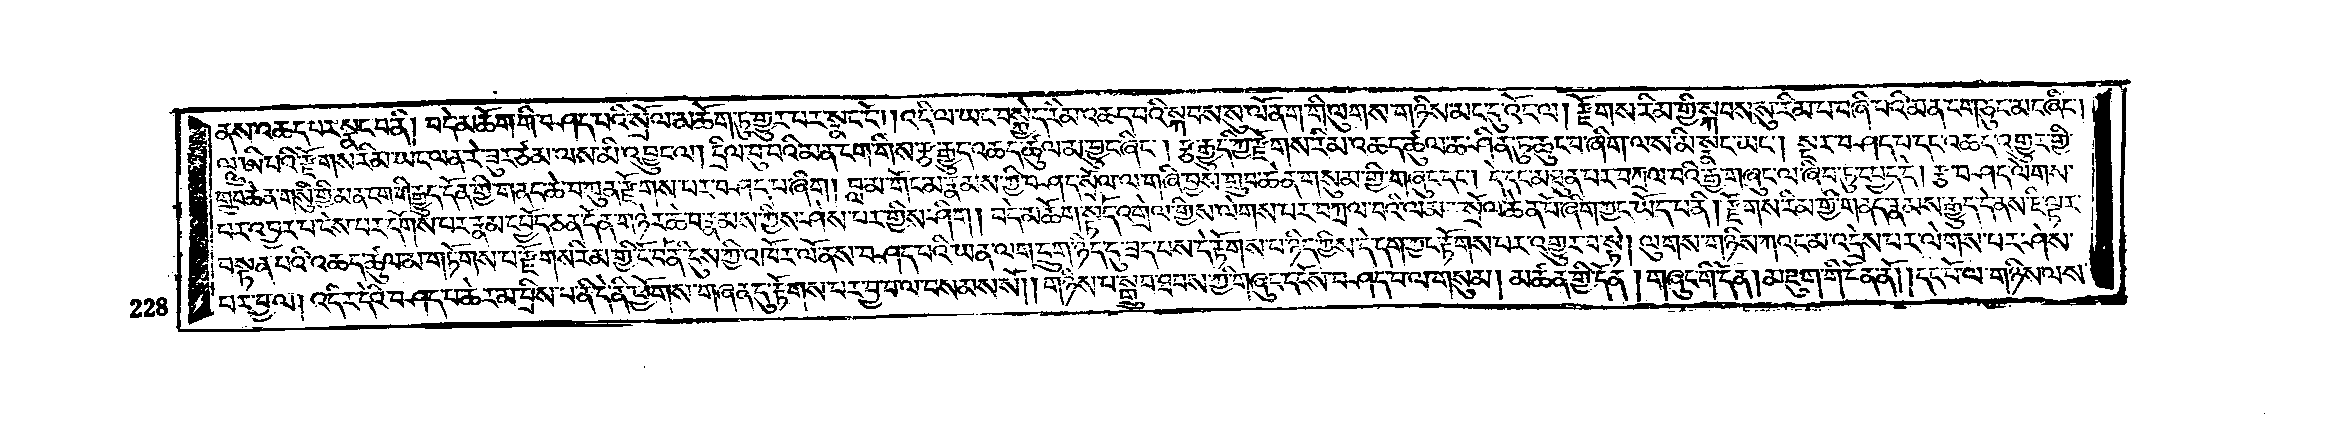ནས་འཆད་པར་སྣང་བ་ནི། བདེ་མཆོག་གི་བཤད་པའི་སྲོལ་མཆོག་ཏུ་གྱུར་པར་སྣང་ངོ། །འདི་ལ་ཡང་བསྐྱེད་རིམ་འཆད་པའི་སྐབས་སུ་ལོ་ནག་གི་ལུགས་གཉིས་མང་དུ་འོང་ལ། རྫོགས་རིམ་གྱི་སྐབས་སུ་རིམ་པ་བཞི་པའི་མན་ངག་ཅུང་མང་ཞིང་།
ལཱུ་ཨི་པའི་རྫོགས་རིམ་ཡང་ལན་རེ་ཟུར་ཙམ་ལས་མི་འབྱུང་ལ། དྲིལ་བུ་པའི་མན་ངག་གིས་རྩ་རྒྱུད་འཆད་ཚུལ་མ་བྱུང་ཞིང་། རྩ་རྒྱུད་ཀྱི་རྫོགས་རིམ་འཆད་ཚུལ་ཆ་ཤིན་ཏུ་ཆུང་བ་ཞིག་ལས་མི་སྣང་ཡང་། སྔར་བཤད་པ་དང་འཆད་འགྱུར་གྱི་
གྲུབ་ཆེན་གསུམ་གྱི་མན་ངག་གི་རྒྱུད་དོན་གྱི་གནད་ཆེ་བ་ཀུན་རྫོགས་པར་བཤད་པ་ཞིག །བླ་མ་གོང་མ་རྣམས་ཀྱི་བཤད་སྲོལ་ལ་གཞི་བྱས་གྲུབ་ཆེན་གསུམ་གྱི་གཞུང་དང་། དེ་དང་མཐུན་པར་བཀྲལ་བའི་རྒྱ་གཞུང་ལ་ཞིབ་ཏུ་དཔྱད་དེ། རྩ་བཤད་ལེགས་
པར་འབྱོར་པ་ངེས་པར་དགོས་པར་རྣམ་དཔྱོད་ཅན་དོན་གཉེར་ཆེ་བ་རྣམས་ཀྱིས་ཤེས་པར་གྱིས་ཤིག །བདེ་མཆོག་སྟོད་འགྲེལ་གྱིས་ལེགས་པར་བཀྲལ་བའི་ལམ་སྲོལ་ཆེན་པོ་ཞིག་ཀྱང་ཡོད་པ་ནི། རྫོགས་རིམ་གྱི་གནད་རྣམས་རྒྱུད་དེ་ནས་ཇི་ལྟར་
བསྟན་པའི་འཆད་ཚུལ་མ་གཏོགས་པ་རྫོགས་རིམ་གྱི་ངོ་བོ་ནི་དུས་ཀྱི་འཁོར་ལོ་ནས་བཤད་པའི་ཡན་ལག་དྲུག་ཉིད་དུ་ཟད་པས་དེ་རྟོགས་པ་ཉིད་ཀྱིས་དེ་དག་ཀྱང་རྟོགས་པར་འགྱུར་བ་སྟེ། ལུགས་གཉིས་ཀའང་མ་འདྲེས་པར་ལེགས་པར་ཤེས་
པར་བྱ་ལ། འདིར་དེའི་བཤད་པ་ཆེར་མ་བྲིས་པ་ནི་དེ་ནི་ཕྱོགས་གཞན་དུ་རྟོགས་པར་བྱ་བ་ལ་བསམས་སོ། །གཉིས་པ་སྒྲུབ་ཐབས་ཀྱི་གཞུང་དངོས་བཤད་པ་ལ་གསུམ། མཚན་གྱི་དོན། གཞུང་གི་དོན། མཇུག་གི་དོན་ནོ། །དང་པོ་ལ་གཉིས་ལས་